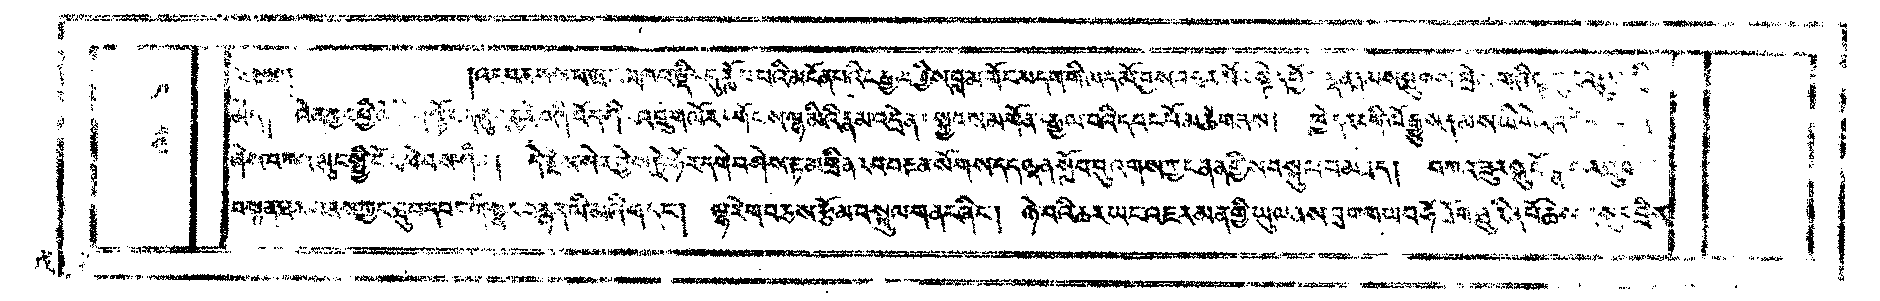༄༅། །འདབ་ཆགས་ཕ་ཝང་མཁའ་ལྡིང་དུ་རློམ་པའི་མངོན་པའི་ང་རྒྱལ་གྱིས་བླ་མ་གོང་མ་དག་གི་ལད་མོ་བྱས་འདྲར་སོང་སྟེ་དཔྱོད་ལྡན་རྣམས་ཐུགས་ཁྲེལ་གཞི་ལྟ་བུར་འགྱུར་སྲིད་
མོད། འོན་ཀྱང་ཕྱི་ལོ་ཆིག་སྟོང་དགུ་བརྒྱ་རེ་བཞི་བོད་ཤིང་འབྲུག་ལོར ༧གོང་ས་ལྷ་མིའི་རྣམ་འདྲེན ༧སྐྱབས་མགོན ༧རྒྱལ་བའི་དབང་པོ་མཆོག་ནས། ཁྱེད་རང་གི་ལོ་རྒྱུས་རྣམས་ཡི་གེར་འགོད་དགོས་
ཞེས་བཀའ་ལུང་སྤྱི་བོར་ཕེབས་ཤིང་། དེ་རྗེས་སེར་བྱེས་ཏྲེ་ཧོར་དགེ་བཤེས་རྟ་མགྲིན་རབ་བརྟན་སོགས་དད་ལྡན་སློབ་བུ་འགས་ཀྱང་ནན་གྱིས་བསྐུལ་བ་མ་ཟད། བཀའ་ཟུར་སྐུ་ངོ་སྣེ་ཤར་ཐུབ་
བསྟན་ཐར་པ་ནས་ཀྱང་ཐུབ་དབང་གི་སྣང་བརྙན་ལི་མ་ཞིག་དང་། ལྷ་རེག་བཅས་རྩོམ་བསྐུལ་གནང་ཞིང་། ཉེ་བའི་ཆར་ཡང་འཇར་མན་གྱི་ཡུལ་ནས་བྲག་གཡབ་ཧོ་ཐོག་ཐུ་རིན་པོ་ཆེས་གསུང་བྲིས་